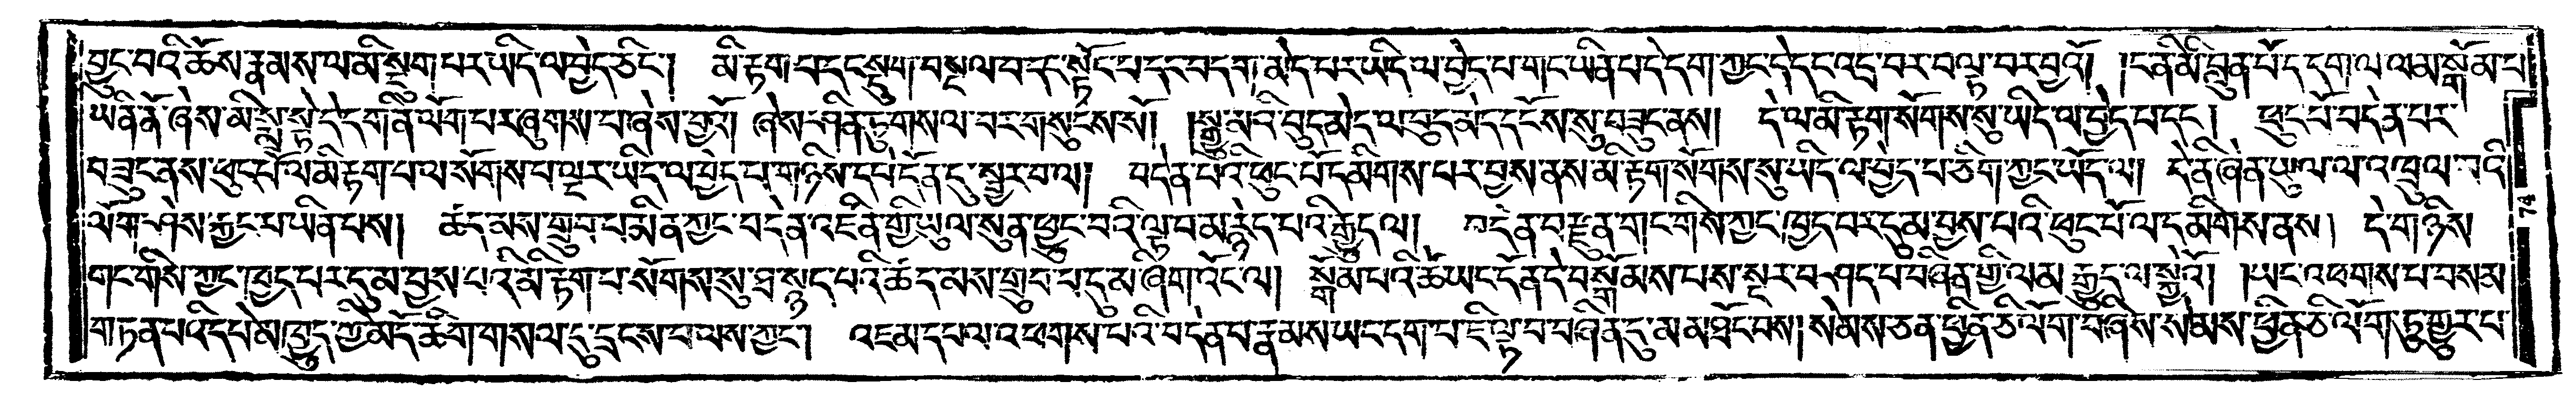བྱུང་བའི་ཆོས་རྣམས་ལ་མི་སྡུག་པར་ཡིད་ལ་བྱེད་ཅིང་། མི་རྟག་པ་དང་སྡུག་བསྔལ་བ་དང་སྟོང་པ་དང་བདག་མེད་པར་ཡིད་ལ་བྱེད་པ་གང་ཡིན་པ་དེ་དག་ཀྱང་དེ་དང་འདྲ་བར་བལྟ་བར་བྱའོ། །ང་ནི་མི་བླུན་པོ་དེ་དག་ལ་ལམ་སྒོམ་པ་
ཡིན་ནོ་ཞེས་མི་སྨྲ་སྟེ་དེ་དག་ནི་ལོག་པར་ཞུགས་པ་ཞེས་བྱའོ། ཞེས་ཤིན་ཏུ་གསལ་བར་གསུངས་སོ། །སྒྱུ་མའི་བུད་མེད་ལ་བུད་མེད་དངོས་སུ་བཟུང་ནས། དེ་ལ་མི་རྟག་སོགས་སུ་ཡིད་ལ་བྱེད་པ་དང་། ཕུང་པོ་བདེན་པར་
བཟུང་ནས་ཕུང་པོ་ལ་མི་རྟག་པ་ལ་སོགས་པ་ལྔར་ཡིད་ལ་བྱེད་པ་གཉིས་དཔེ་དོན་དུ་སྦྱར་བ་ལ། བདེན་པའི་ཕུང་པོ་དམིགས་པར་བྱས་ནས་མི་རྟག་སོགས་སུ་ཡིད་ལ་བྱེད་པ་ཅིག་ཀྱང་ཡོད་ལ། དེ་ནི་ཞེན་ཡུལ་ལ་འཁྲུལ་བའི་
ལོག་ཤེས་རྐྱང་པ་ཡིན་པས། ཚད་མས་གྲུབ་པ་མིན་ཀྱང་བདེན་འཛིན་གྱི་ཡུལ་སུན་ཕྱུང་བའི་ལྟ་བ་མ་རྙེད་པའི་རྒྱུད་ལ། བདེན་བརྫུན་གང་གིས་ཀྱང་ཁྱད་པར་དུ་མ་བྱས་པའི་ཕུང་པོ་ལ་དམིགས་ནས། དེ་གཉིས་
གང་གིས་ཀྱང་ཁྱད་པར་དུ་མ་བྱས་པའི་མི་རྟག་པ་སོགས་སུ་ཐ་སྙད་པའི་ཚད་མས་གྲུབ་པ་དུ་མ་ཞིག་འོང་ལ། སྒོམ་པའི་ཚེ་ཡང་དོན་དེ་བསྒོམས་པས་སྔར་བཤད་པ་བཞིན་གྱི་ལམ་རྒྱུད་ལ་སྐྱེའོ། །ཡང་འཕགས་པ་བསམ་
གཏན་པའི་དཔེ་མཁྱུད་ཀྱི་མདོ་ཚིག་གསལ་དུ་དྲངས་པ་ལས་ཀྱང་། འཇམ་དཔལ་འཕགས་པའི་བདེན་པ་རྣམས་ཡང་དག་པ་ཇི་ལྟ་བ་བཞིན་དུ་མ་མཐོང་བས། སེམས་ཅན་ཕྱིན་ཅི་ལོག་བཞིས་སེམས་ཕྱིན་ཅི་ལོག་ཏུ་གྱུར་པ་